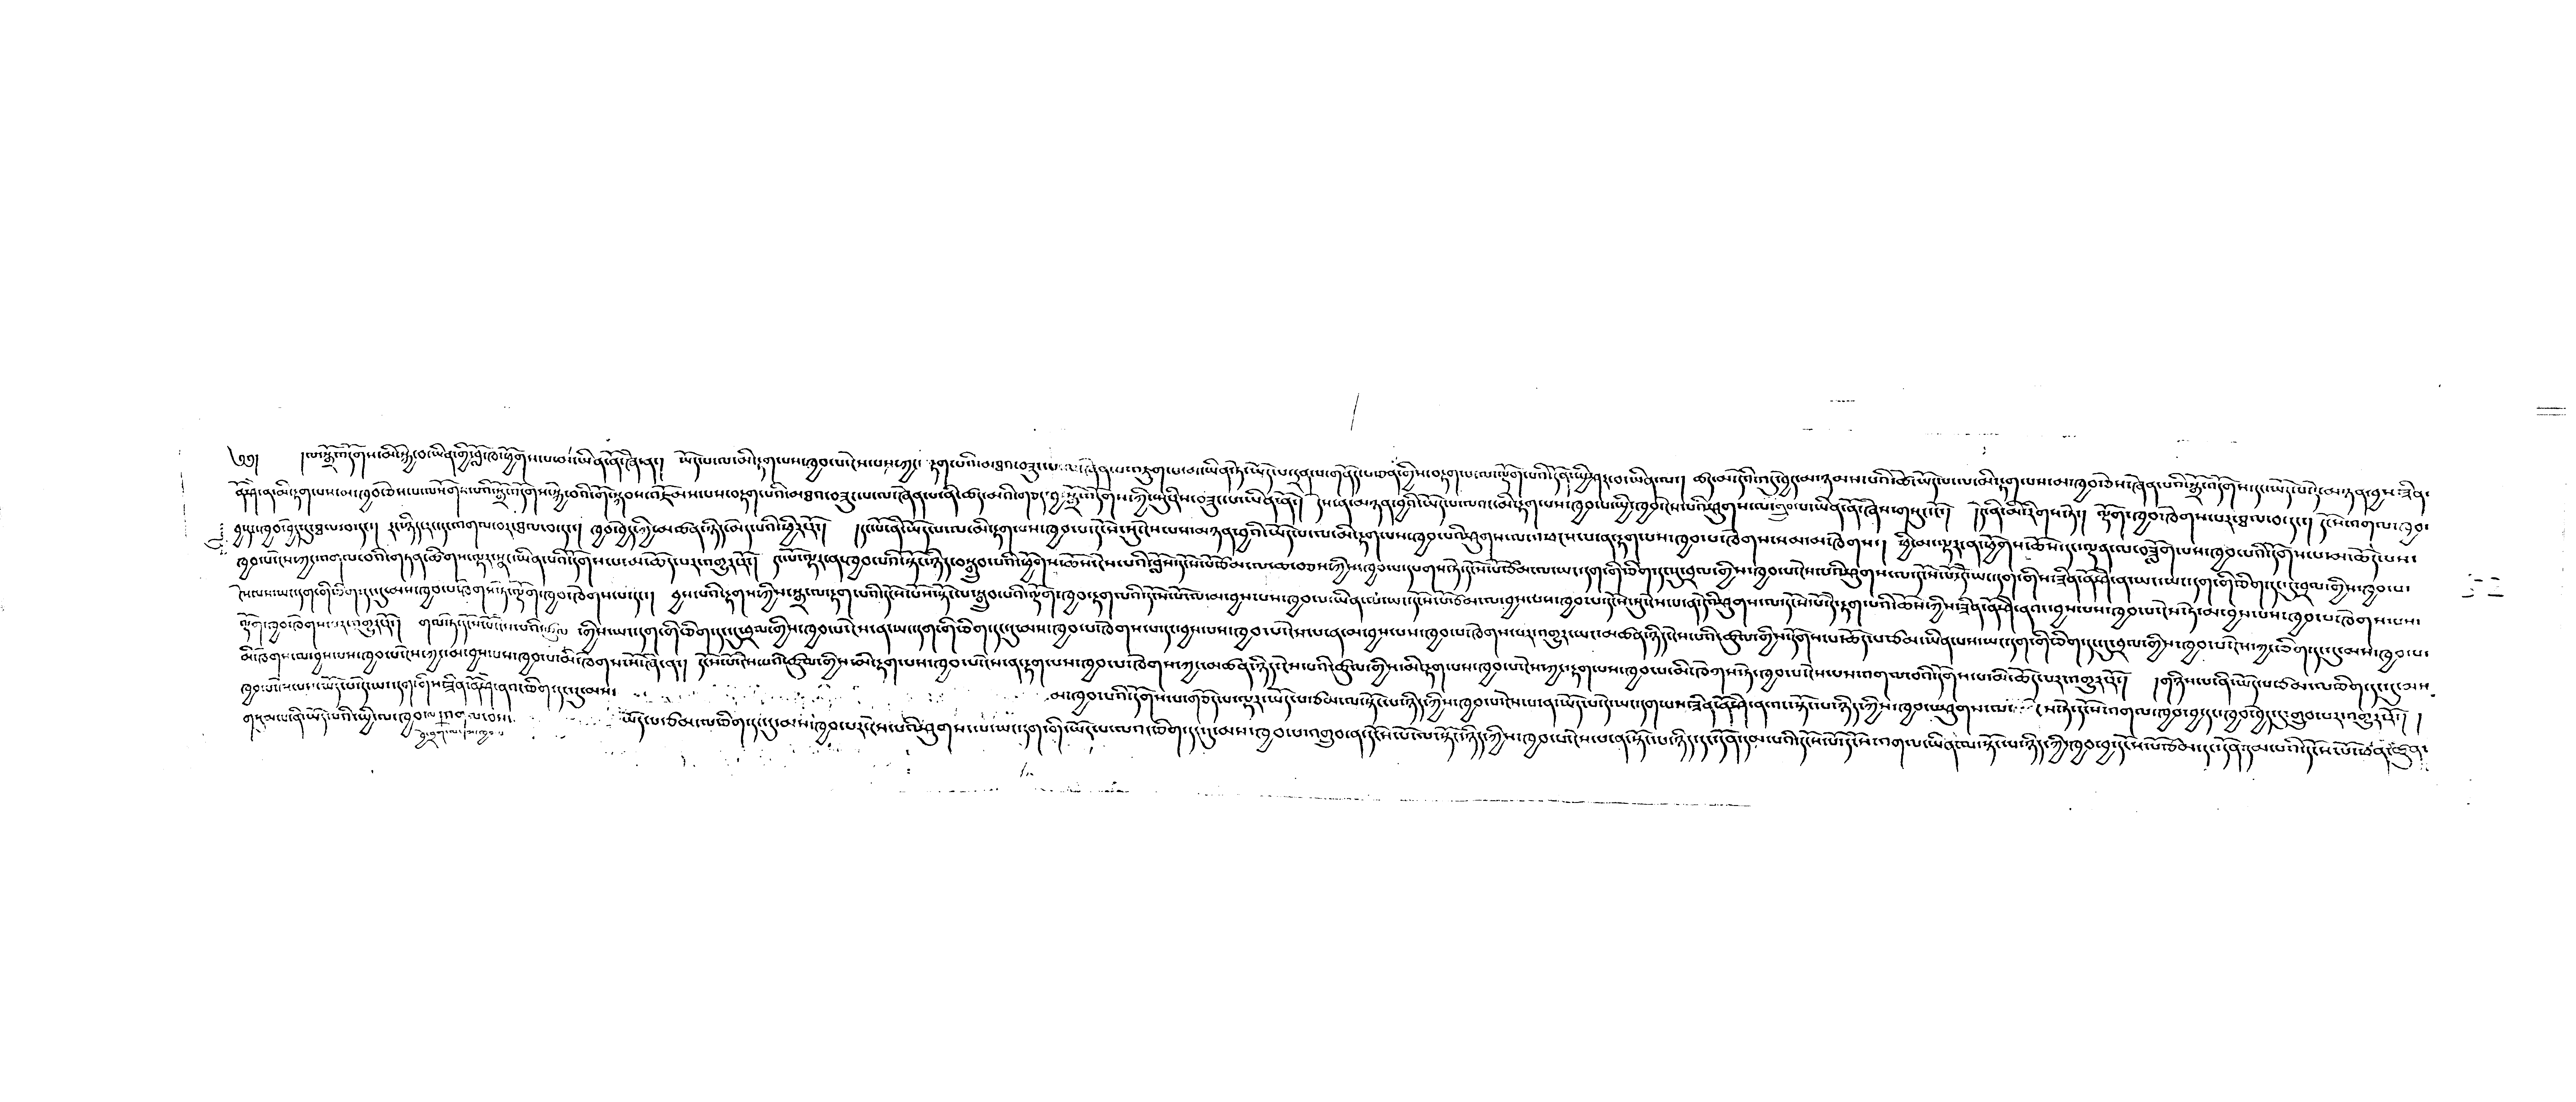༄༅། །ལ་སྒྲོ་འདོགས་མི་སྐྱེ་བ་ཡིན་གྱི་བློ་ཁ་ཕྱོགས་པ་མ་ཡིན་ནོ་ཞེ་ན། ཡོད་པ་ལ་མི་རྟག་པས་ཁྱབ་པ་ངེས་པས་ཀྱང་། རྟག་པའི་མཐའ་བཟུང་པ་ལ་ཞེན་པ་འཇུག་པ་མ་ཡིན་ཏེ་ཡོད་པ་དྲན་པ་གནོད་པ་ཅན་གྱིས་བརྟག་པ་ལ་ལྡོག་པའི་དོན་སྤྱི་ཤར་བ་ཡིན་ལ། ཚད་མ་དེའི་འདུ་བྱེད་མ་ཉམས་པའི་ཚེ་ཡོད་པ་ལ་མི་རྟག་པས་མ་ཁྱབ་ཅེས་ཞེན་པའི་སྒྲོ་འདོགས་དང་ཡོད་པ་དེ་མཉན་བྱས་ཟིན་
ནོ་ཤེ་ན་མི་རྟག་པས་མ་ཁྱབ་དེས་པ་ལ་སོགས་པའི་སྒྲོ་འདོགས་སྐྱེ་བའི་གོ་སྐབས་འཇོམས་པས་བརྟག་པའི་མཐའ་བཟུང་པ་ལ་ཞེན་པ་ནི་ཚད་མའི་གཅད་བྱ་སྒྲོ་འདོགས་ཀྱི་སྤུ་རིས་བཟུང་པ་ཡིན་ནོ། དེས་ན་མཉན་བྱའི་ཡོད་པ་ལའང་མི་རྟག་པས་ཁྱབ་པ་སྤྱི་ཁྱབ་ངེས་པའི་ཤུགས་ལ་གྲུབ་པ་ཡིན་ནོ་ཞེས་གསུང་ངོ། །དེ་ནི་མི་རིགས་ཏེ། ལྡོག་ཁྱབ་ཁེགས་པར་ཐལ་བ་དང་། དངོས་འགལ་ཁྱབ་
བྱ་དང་ཁྱབ་བྱེད་དུ་ཐལ་བ་དང་། རང་ཉིད་རང་དང་འགལ་བར་ཐལ་བ་དང་། ཁྱབ་བྱེད་ཀྱི་མཚན་ཉིད་མེད་པའི་ཕྱིར་རོ། །དང་པོ་ནི་ཡོད་པ་ལ་མི་རྟག་པས་ཁྱབ་པ་དངོས་སུ་ངེས་པས་མཉན་བྱའི་ཡོད་པ་ལ་མི་རྟག་པས་ཁྱབ་པའི་ཤུགས་ལ་འཕངས་པ་ན་རྟག་པས་ཁྱབ་པ་ཁེགས་སམ་མ་ཁེགས། ཕྱི་མ་ལྟར་ན་ཕྱོགས་ཆོས་དང་ལྡན་ལ་བཟློག་པས་ཁྱབ་པའི་དོགས་པ་མ་ཆོད་པས་
ཁྱབ་པ་ངེས་ཀྱང་འགལ་བའི་གཏན་ཚིགས་ལྟར་སྣང་ཡིན་པའི་དོགས་པ་མ་ཆོད་པར་འགྱུར་རོ། དང་པོ་ལྟར་ན་ཁྱབ་པའི་སྟོང་ཉིད་བསྒྲུབ་པའི་ཕྱོགས་ཆོས་ངེས་པའི་བློས་དངོས་པོ་ཙམ་ལ་ཆ་བཅས་ཀྱིས་ཁྱབ་པ་དཔགས་ཏེ་དངོས་པོ་ཙམ་ལ་ཡང་དག་གི་ཅིག་དང་དུ་བྲལ་གྱིས་ཁྱབ་པ་ངེས་པའི་ཤུགས་ལ་དངོས་པོ་དེ་ཡང་དག་གིས་ཟིན་ནོ་ཤེ་ན་ཡང་ཡང་དག་གི་ཅིག་དང་དུ་བྲལ་གྱིས་ཁྱབ་པ་
ངེས་པས་ཡང་དག་གི་ཅིག་དང་དུ་མས་ཁྱབ་པ་ཁེགས་ཏེ་ལྡོག་ཁྱབ་ཁེགས་པ་དང་། བྱས་པའི་རྟགས་ཀྱིས་སྒྲ་ལ་རྟག་པའི་དངོས་པོ་སྟོང་པ་སྒྲུབ་པའི་ལྡོག་ཁྱབ་རྟག་པའི་དངོས་པོ་ལ་མ་བྱ་པས་ཁྱབ་པ་ཡིན་ལ་ཡང་དངོས་པོ་ཙམ་ལ་བྱས་པས་ཁྱབ་པ་དངོས་སུ་ངེས་པ་ན་དེའི་ཤུགས་ལ་དངོས་པོ་དེ་རྟག་པའི་ཆོས་ཀྱིས་ཟིན་ནོ་ཤེ་ནའང་བྱས་པས་ཁྱབ་པ་ངེས་ཏེ་མ་བྱས་པའི་ཁྱབ་པ་ཁེགས་པས་
ལྡོག་ཁྱབ་ཁེགས་པར་འགྱུར་རོ། གལ་ཏེ་དངོས་པོ་ངེས་པའི་ཚུལ་གྱིས་ཡང་དག་གི་ཅིག་དང་དུ་བྲལ་གྱིས་ཁྱབ་པ་ངེས་ནས་ཡང་དག་གི་ཅིག་དང་དུ་མས་ཁྱབ་པ་ཁེགས་པར་བྱས་པས་ཁྱབ་པ་ངེས་པ་ན་མ་བྱས་པས་ཁྱབ་པ་ཁེགས་པར་འགྱུར་ཡང་མཚན་ཉིད་དངོས་པོའི་ཚུལ་གྱིས་དོགས་པ་ཆོད་པ་ཙམ་ཡིན་པས་ཡང་དག་དང་དུ་བྲལ་གྱིས་ཁྱབ་པའི་ངེས་ཀྱང་ཅིག་དང་དུ་མས་ཁྱབ་པ་
མི་ཁེགས་མ་བྱས་པས་ཁྱབ་པ་ངེས་ཀྱང་མ་བྱས་པས་ཁྱབ་པ་མི་ཁེགས་སོ་ཞེ་ན། དངོས་པོའི་ངེས་པའི་ཚུལ་གྱིས་མི་རྟག་པས་ཁྱབ་པ་ངེས་ན་རྟག་པས་ཁྱབ་པ་ཁེགས་ཀྱང་མཚན་ཉིད་ངེས་པའི་ཚུལ་གྱིས་མི་རྟག་པས་ཁྱབ་པ་ངེས་ཀྱང་རྟག་པས་ཁྱབ་པའི་ཁེགས་ཏེ་ཁྱབ་པ་ངེས་པས་འགལ་བའི་དོགས་པ་མི་ཆོད་པར་འགྱུར་རོ། །གཉིས་པ་ནི་ཡོད་པ་ཙམ་ལ་ཆིག་དང་དུ་མས་
ཁྱབ་པ་ངེས་པས་ཡོད་པ་དེ་ཡང་དག་གིས་ཟིན་ནོ་ཤེ་ནའང་ཅིག་དང་དུ་མས་མ་ཁྱབ་པའི་དོགས་པ་གཅོད་པ་ལྟར་ཡོད་པ་ཙམ་ལ་སྟོང་པ་ཉིད་ཀྱིས་ཁྱབ་པ་ངེས་པ་ན་ཡོད་པ་དེ་ཡང་དག་པས་ཟིན་ནོ་ཤེས་ན་འང་སྟོང་པ་ཉིད་ཀྱིས་ཁྱབ་པ་ཤུགས་ལ་མ་ངེས་ཏེ་དངོས་པོ་འགལ་ཁྱབ་བྱ་དང་ཁྱབ་བྱེད་དུ་གྲུབ་པར་འགྱུར་རོ། །
གསུམ་པ་ནི་ཡོད་པའི་སྤྱི་ལ་ཁྱབ་ལ་བྱེ་བྲག་?་ཁྱབ་པ་འགལ་བས་ཡོད་པ་ཙམ་ལ་ཅིག་དང་དུ་མས་ཁྱབ་པར་ངེས་པའི་ཤུགས་ལ་ཡང་དག་གི་ཡོད་པ་ལའང་ཅིག་དང་དུ་མས་ཁྱབ་པ་འགྲུབ་ན་དངོས་པོ་ལ་སྟོང་ཉིད་ཀྱིས་ཁྱབ་པ་ངེས་པ་ན་སྟོང་པ་ཉིད་དང་དོན་དམ་པའི་དངོས་པོ་དངོས་འགལ་ཡིན་ལ་སྟོང་པ་ཉིད་ཀྱི་ཁྱབ་བྱ་དངོས་པོ་ཙམ་པ་དོན་དམ་པའི་དངོས་པོ་ཕན་ཚུན་